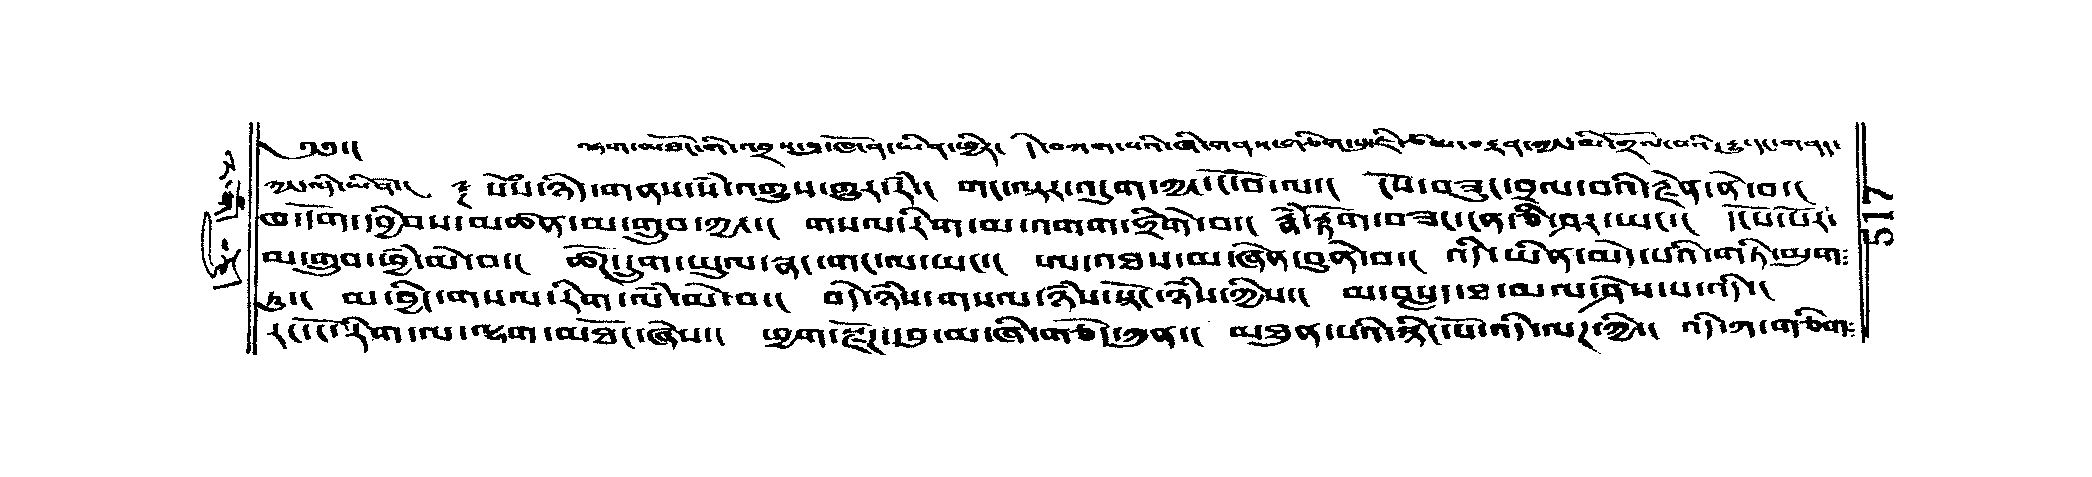ལྷག་མཐོང་གི་འབྲས་བུ་ཁོ་ན་ཡིན་ཕྱིར། དེ་བཀག་པའི་ཞི་གནས་གཅིག་པུ་ཇི་ཙམ་བརྟན་ཀྱང་མི་གྲོལ་བའི་རྒྱུ་དང་གནད་
ཀྱང་འདི་ཡིན་ནོ།།༈ སེམས་ཉིད་གནས་སམ་འགྱུས་གྱུར་རམ། །གང་ལྟར་འདུག་ཀྱང་ངོ་བོ་ལ། །ངོས་བཟུང་བྲལ་བའི་རྗེན་ནེ་བ། །
ཁ་དོག་དབྱིབས་མཚན་མ་གྲུབ་ཀྱང་། །གསལ་རིག་མ་འགག་ཧྲིག་གེ་བ། །རྣམ་རྟོག་བཟང་ངན་ཅི་ཤར་ཡང་། །དངོས་པོར་
མ་གྲུབ་ཕྱམ་མེ་བ། །ཚོགས་དྲུག་ཡུལ་སྣང་གང་ལ་ཡང་། །ཨ་འཐས་མ་ཞེན་བུན་ནེ་བ། །འདི་ཡིན་མེད་པའི་གཏི་མུག་
ཏུ། །མ་བྱིང་གསལ་རིག་ལམ་མེ་བ། །བདེ་ཉམས་གསལ་ཉམས་སྟོང་ཉམས་ཀྱིས། །མ་བསླད་ཐ་མལ་ཤེས་པ་འདི། །
རང་ངོ་རིག་ལ་ལྷག་མཐོང་ཞེས། །ཕྱག་རྫོགས་དབུ་མ་ཞི་གཅོད་ཀུན། །མཐུན་པའི་སྙིང་པོ་འདི་ལགས་ཀྱི། །འདི་ཀ་གཅིག་